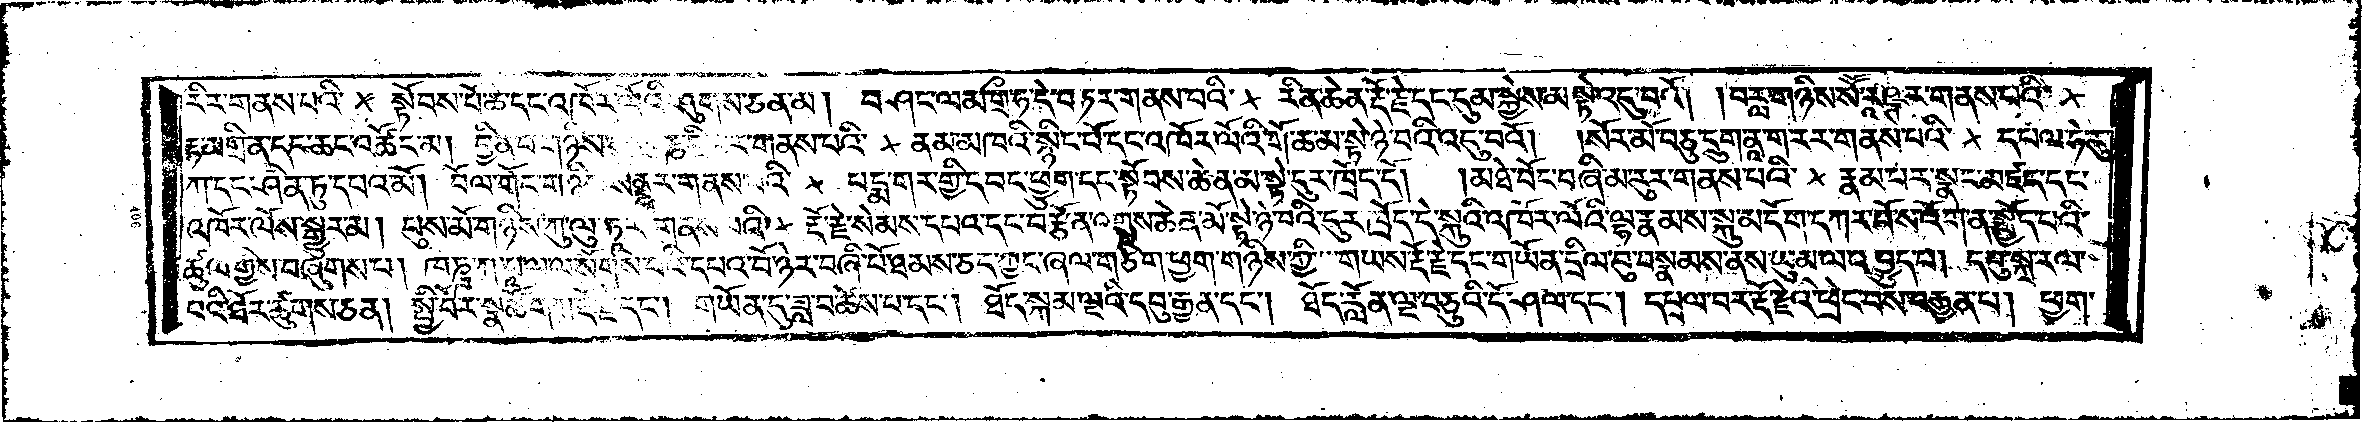རིར་གནས་པའི་྾་སྟོབས་པོ་ཆེ་དང་འཁོར་ལོའི་ཤུགས་ཅན་མ། བཤང་ལམ་གྲྀ་ཧ་དེ་བཏར་གནས་བའི་྾་རིན་ཆེན་རྡོ་རྗེ་དང་དུམ་སྐྱེས་མ་སྟེ་འདུ་བའོ། །བརླ་གཉིས་སཽརཱཥྚ་ར་གནས་པའི་྾་
རྟ་མགྲིན་དང་ཆང་འཚོང་མ། བྱིན་པ་གཉིས་སུ་ཝརྞ་དི་པར་གནས་པའི་྾་ནམ་མཁའི་སྙིང་པོ་དང་འཁོར་ལོའི་གོ་ཆ་མ་སྟེ་ཉེ་བའི་འདུ་བའོ། །སོར་མོ་བཅུ་དྲུག་ནཱ་ག་རར་གནས་པའི་྾་དཔལ་ཧེ་རུ་
ཀ་དང་ཤིན་ཏུ་དཔའ་མོ། བོལ་གོང་གཉིས་སནྡྷར་གནས་པའི྾་པདམ་གར་གྱི་དབང་ཕྱུག་དང་སྟོབས་ཆེན་མ་སྟེ་དུར་ཁྲོད་དོ། །མཐེ་བོང་བཞི་མ་རུར་གནས་པའི྾་རྣམ་པར་སྣང་མཛད་དང་
འཁོར་ལོས་སྒྱུར་མ། པུས་མོ་གཉིས་ཀུ་ལུ་ཏཱར་གནས་པའི་྾་རྡོ་རྗེ་སེམས་དཔའ་དང་བརྩོན་འགྲུས་ཆེན་མོ་སྟེ་ཉེ་བའི་དུར་ཁྲོད་དེ་སྐུའི་འཁོར་ལོའི་ལྷ་རྣམས་སྐུ་མདོག་དཀར་བོ་ས་འོག་ན་སྤྱོད་པའི་
ཚུལ་གྱིས་བཞུགས་པ། ཁཎྜ་ཀ་པཱ་ལ་ལ་སོགས་པའི་དཔའ་བོ་ཉེར་བཞི་པོ་ཐམས་ཅད་ཀྱང་ཞལ་གཅིག་ཕྱག་གཉིས་ཀྱི་གཡས་རྡོ་རྗེ་དང་གཡོན་དྲིལ་བུ་བསྣམས་ནས་ཡུམ་ལ་འབྱུད་བ། དབུ་སྐྲ་རལ་
པའི་ཐོར་ཚུགས་ཅན། སྤྱི་བོར་སྣ་ཚོགས་རྡོ་རྗེ་དང་། གཡོན་དུ་ཟླ་བ་ཚེས་པ་དང་། ཐོད་སྐམ་ལྔའི་དབུ་རྒྱན་དང་། ཐོད་རློན་ལྔ་བཅུའི་དོ་ཤལ་དང་། དཔྲལ་བར་རྡོ་རྗེའི་ཕྲེང་བས་བརྒྱན་པ། ཕྱག་